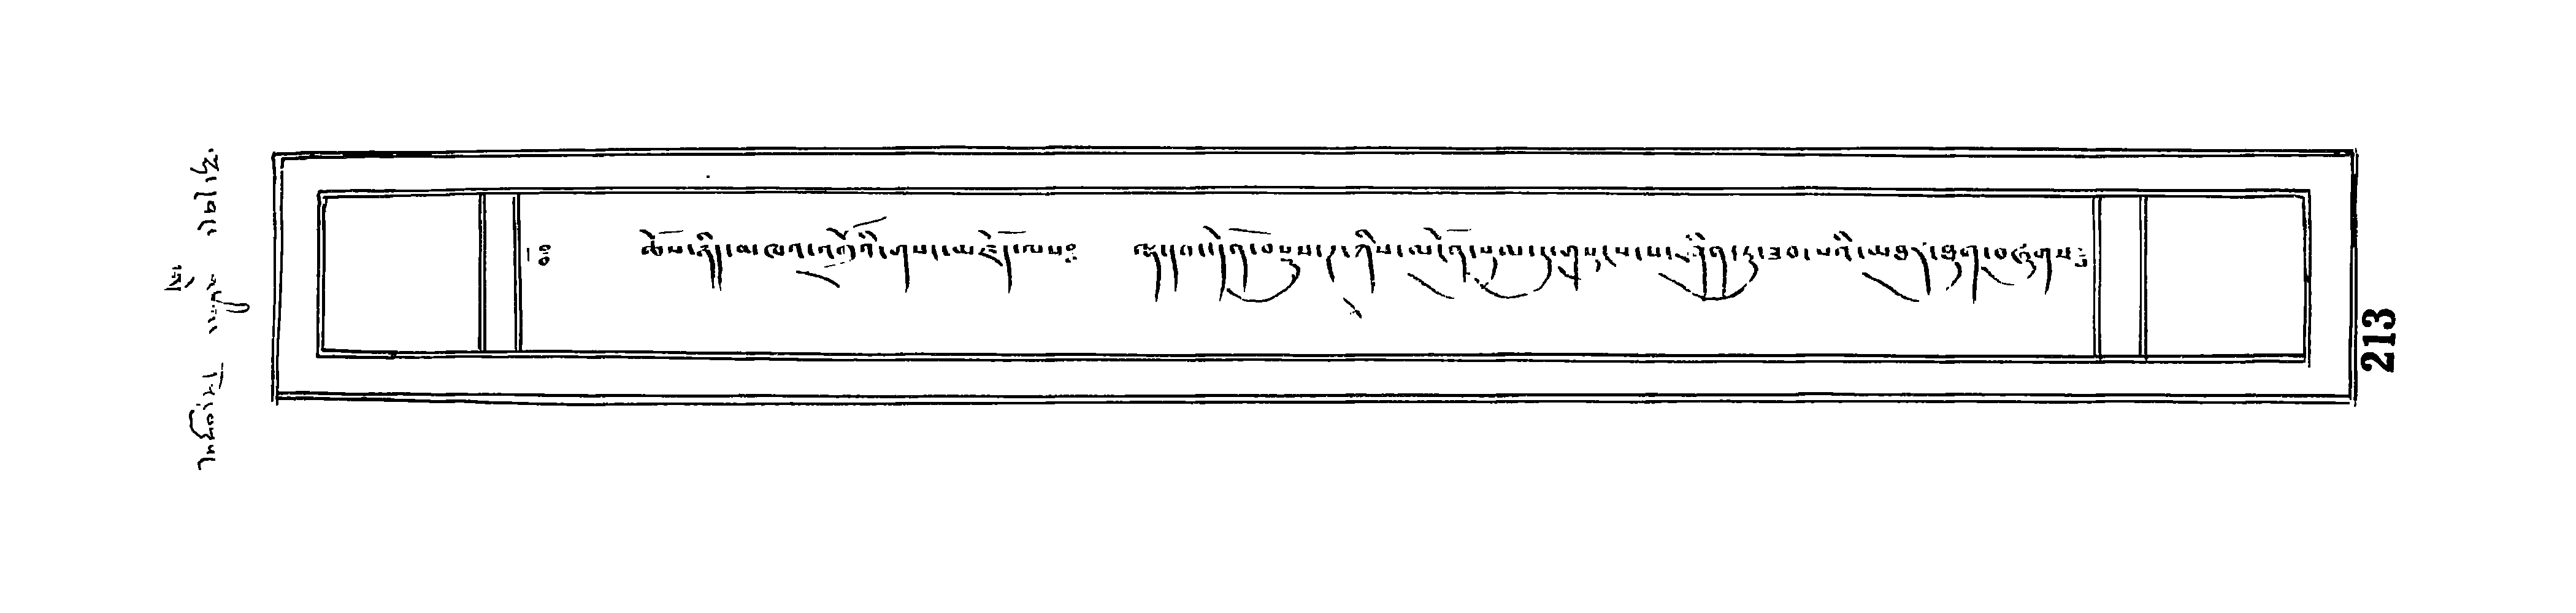ཆོས་ཉིད་མཁའ་འགྲོའི་གསང་མཛོད་ལས༔ ལྷ་དབང་དོན་བསྡུས་ཌཱ་ཀིས་མངོན་སུམ་དུ་གསུངས་པ་ཤིན་ཏུ་ཟབ་པའི་མཐར་ཐུག་བཞུགས༔